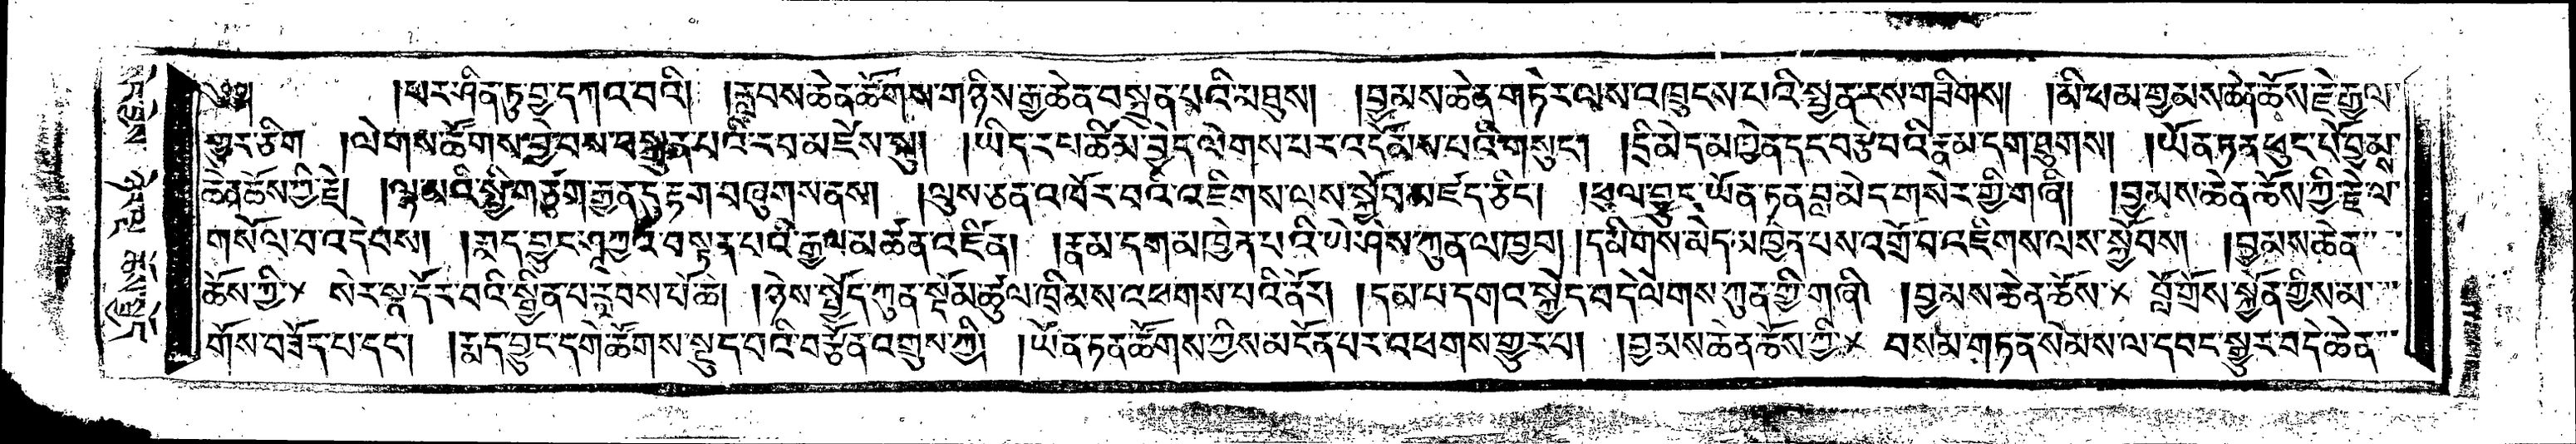༄༅། །པར་ཤིན་ཏུ་བྱ་དཀའ་བའི། །རླབས་ཆེན་ཚོགས་གཉིས་རྒྱ་ཆེན་བསྐྲུན་པའི་མཐུས། །བྱམས་ཆེན་གཏེར་ལས་འཁྲུངས་པའི་སྤྱན་རས་གཟིགས། །མི་ཕམ་བྱམས་ཆེན་ཆོས་རྗེ་རྒྱལ་
གྱུར་ཅིག །ལེགས་ཚོགས་བྱེ་བས་བསྐྲུན་པའི་རབ་མཛེས་སྐུ། །ཡིད་རབ་ཚིམ་བྱེད་ལེགས་པར་འདོམས་པའི་གསུང་། །དྲི་མེད་མཁྱེན་དང་བརྩེ་བའི་རྣམ་དག་ཐུགས། །ཡོན་ཏན་ཕུང་པོ་བྱམས་
ཆེན་ཆོས་ཀྱི་རྗེ། །ལྷ་མའི་སྤྱི་གཙུག་རྒྱན་དུ་རྟག་བཞུགས་ནས། །ལུས་ཅན་འཁོར་བའི་འཇིགས་ལས་སྐྱོབ་མཛད་ཅིང་། །ཕུལ་བྱུང་ཡོན་ཏན་བླ་མེད་གསེར་གྱི་གཞི། །བྱམས་ཆེན་ཆོས་ཀྱི་རྗེ་ལ་
གསོལ་བ་འདེབས། །རྨད་བྱུང་ཤཱཀྱའི་བསྟན་པའི་རྒྱལ་མཚན་འཛིན། །རྣམ་དག་མཁྱེན་པའི་ཡེ་ཤེས་ཀུན་ལ་ཁྱབ། །དམིགས་མེད་མཁྱེན་པས་འགྲོ་བ་འཇིགས་ལས་སྐྱོབས། །བྱམས་ཆེན་
ཆོས་ཀྱི་{྾}་སེར་སྣ་དོར་བའི་སྦྱིན་པ་རླབས་པོ་ཆེ། །ཉེས་སྤྱོད་ཀུན་སྡོམ་ཚུལ་ཁྲིམས་འཕགས་པའི་ནོར། །དམ་པ་དགའ་སྐྱེད་བདེ་ལེགས་ཀུན་གྱི་གཞི། །བྱམས་ཆེན་ཆོས་{྾}་བློ་གྲོས་སྐྱོན་གྱིས་མ་
གོས་བཟོད་པ་དང་། །རྨད་བྱུང་དགེ་ཚོགས་སྡུད་པའི་བརྩོན་འགྲུས་ཀྱི། །ཡོན་ཏན་ཚོགས་ཀྱིས་མངོན་པར་འཕགས་གྱུར་པ། །བྱམས་ཆེན་ཆོས་ཀྱི་{྾}་བསམ་གཏན་སེམས་ལ་དབང་སྒྱུར་བདེ་ཆེན་